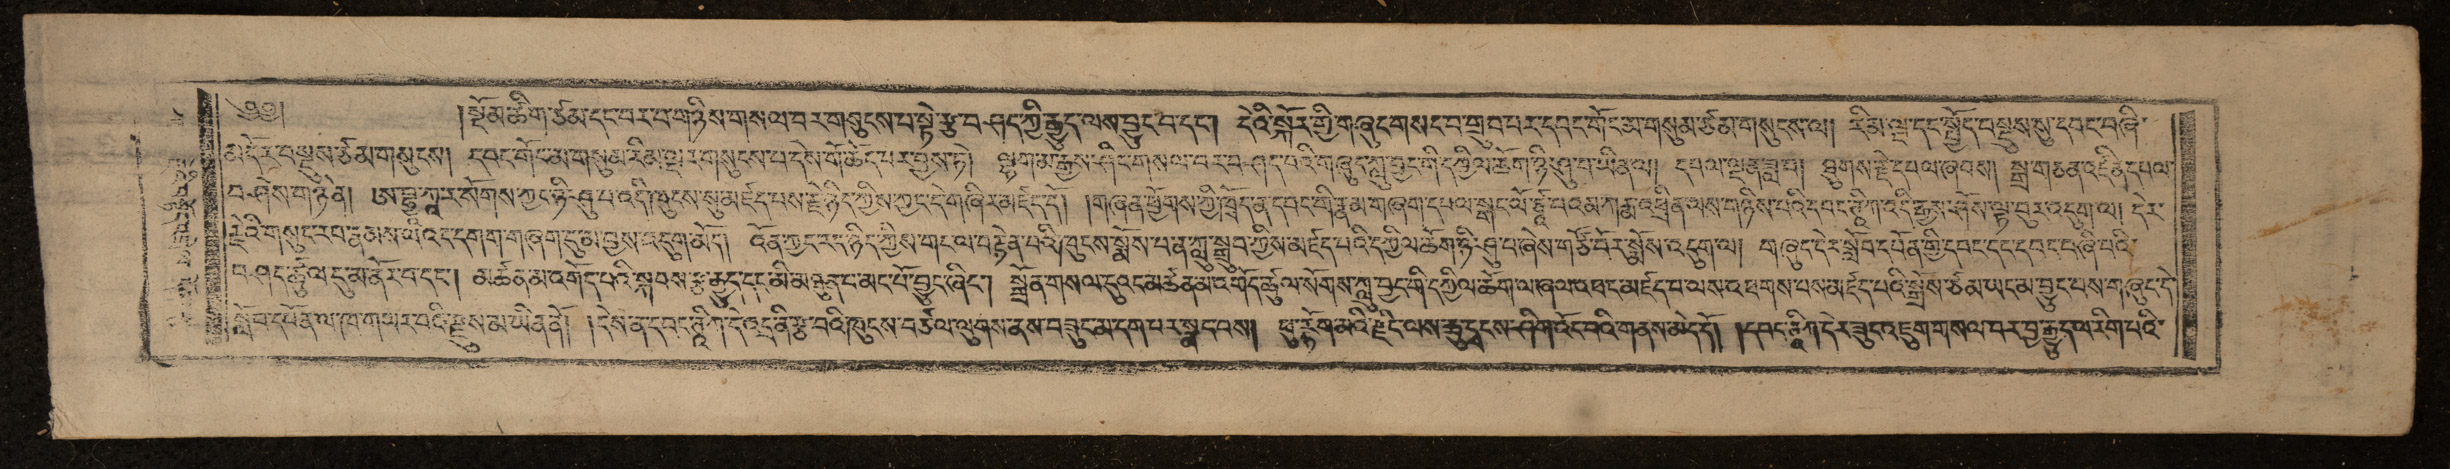༄༅། །སྔོ་མི་ཚིག་ཙམ་དང་བར་པ་གཉིས་གསལ་བར་གསུངས་པ་སྟ་རྩ་བཤད་ཀྱི་རྒྱུད་ལས་བྱང་བ་དང་། དེའི་སྐོར་གྱི་གཞུང་གསང་བ་གྲུབ་པ་བར་དབང་གོང་མ་གསུམ་ཙམ་གསུངས་ལ། རིམ་ལྔ་དང་སྤྱོད་བསྡུས་སུ་དབང་བཞི་
མདོར་བསྡུས་ཙམ་གསུངས། དབང་གོང་མ་གསུམ་རིམ་ལྔར་གསུངས་པ་དེས་གོ་ཆོད་པར་བྱས་ཏེ། ལྷག་མ་རྒྱས་ཤིང་གསལ་བར་བཤད་པའི་གཞུང་ཀླུ་བྱང་གི་དཀྱིལ་ཆོག་ཉི་ཤུ་བ་ཡིན་ལ། དཔལ་ལྡན་ཟླ་བ། ཐགས་རྗེ་དཔལ་ཞབས། སྒྲ་གཅན་འཛིན་དཔལ་
བཤེས་གཉེན། ཨ་བྷྱ་ཀླ་ར་སོགས་ཀྱང་ཉི་ཤུ་པ་འདི་ཁུངས་སུ་མཛད་པས་རྗེ་ཉིད་ཀྱིས་ཀྱང་ངེ་གཞིར་མཛད་དོ། །གཞན་ཕྱོགས་ཀྱི་ཁྲོད་ན་དབང་གི་རྣམ་གཞག་དཔལ་སྒང་ལོ་ཙཱ་བའམ་ཀརྨ་འཕྲིན་ལས་གཉིས་པའི་དབང་ཊཱིཀ་འདི་རྒྱས་ཤོས་ལྟ་བུར་འདུག་ལ། དེར་
རྗེའི་གསུང་རབ་རྣམས་ལའང་དགག་གཞག་དུ་མ་བྱས་འདུག་མོད། འོན་ཀྱང་རང་ཉིད་ཀྱིས་གང་ལ་བརྟེན་པའི་ཁུངས་སྨོས་པ་ན་ཀླུ་སྒྲུབ་ཀྱིས་མཛད་པའི་དཀྱིལ་ཆོ་ཉི་ཤུ་བ་ཞེས་གཙོ་བོར་སྨོས་འདུག་ལ། གཞུང་དེར་སློབ་དཔོན་གྱི་དབང་དང་དབང་བཞི་བའི་
བཤད་ཚུལ་དུ་མ་ནོར་བ་དང་། མཚན་མ་འགོད་བའི་སྐབས་རྩ་རྒྱུད་དང་མི་མཐུན་པ་མང་པོ་བྱུང་ཞིང་། སྒྲོན་གསལ་དུའང་མཚན་མ་འགོད་ཚུལ་སོགས་ཀླུ་བྱང་གི་དཀྱིལ་ཆོག་ལ་ཞལ་འཕང་མཛད་པ་ལས་འཕགས་པས་མཛད་པའི་སྒྲོས་ཙམ་ཡང་མ་བྱུང་བས་གཞུང་དེ་
སློབ་དཔོན་ལ་ཁ་གཡར་པའི་རྫུས་མ་ཡིན་ནོ། །དེས་ན་དབང་ཊའིཀ་དེ་འདྲ་ནི་རྩ་བའི་ཁུངས་བཙལ་ལུགས་ནས་བཟུང་མ་དག་པར་སྣང་བས། ཕུ་རྙོག་མའི་རྫིང་ལས་ཆུ་དྭངས་ཤིག་འོང་བའི་གནས་མེད་དོ། །དབང་ཊཱིཀ་དེར་ཟུང་འཇུག་གསལ་བར་བྱ་རྒྱུད་ལ་རིག་པའི་